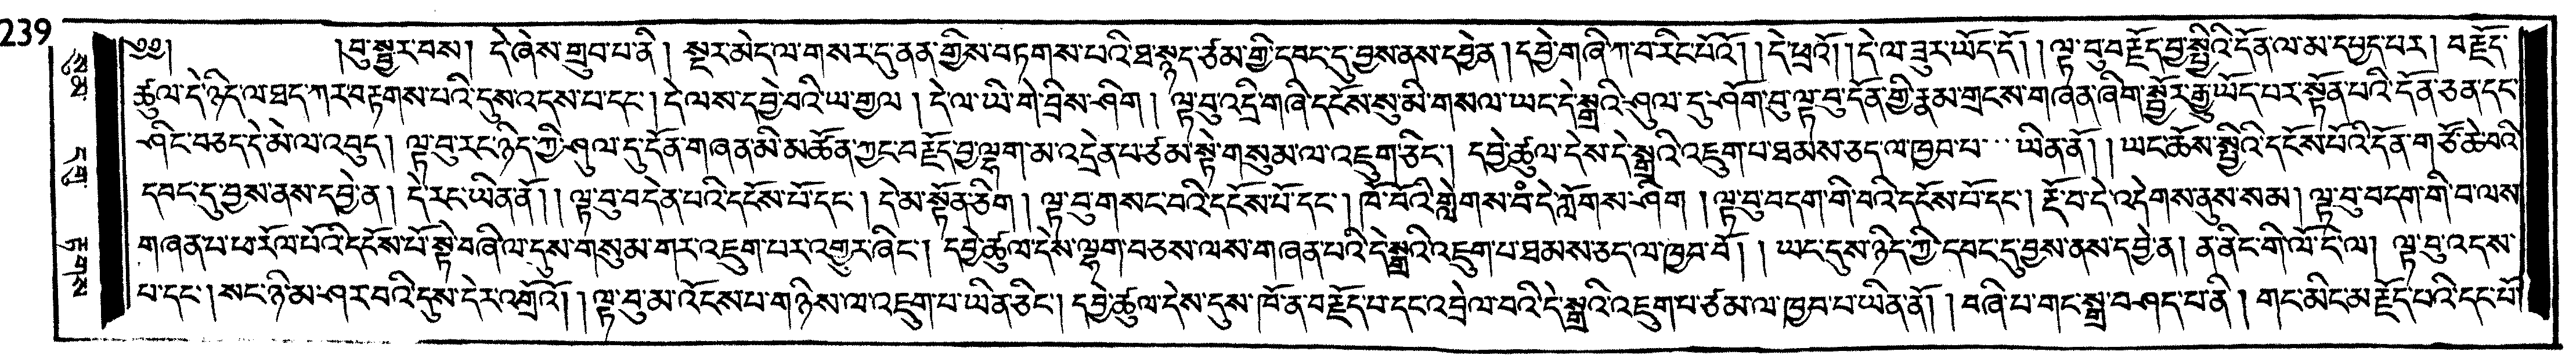༄༅། །བུ་སྦྱར་བས། དེ་ཞེས་གྲུབ་པ་ནི། སྔར་མེད་ལ་གསར་དུ་ནན་གྱིས་བཏགས་པའི་ཐ་སྙད་ཙམ་གྱི་དབང་དུ་བྱས་ནས་དབྱེ་ན། དབྱེ་གཞིག་ཀ་བ་རིང་པོའོ། །དེ་ཕྲའོ། །དེ་ལ་ཟུར་ཡོད་དོ། །ལྟ་བུ་བརྗོད་བྱ་སྤྱིའི་དོན་ལ་མ་དཔྱད་པར། བརྗོད་
ཚུལ་དེ་ཉིད་ལ་ཐད་ཀར་བརྟགས་པའི་དུས་འདས་པ་དང་། དེ་ལས་བྱེ་བའི་ཡ་གྱལ། དེ་ལ་ཡི་གེ་བྲིས་ཤིག །ལྟ་བུ་འདྲི་གཞི་དངོས་སུ་མི་གསལ་ཡང་དེ་སྒྲའི་ཤུལ་དུ་ཤོག་བུ་ལྟ་བུ་དོན་གྱི་རྣམ་གྲངས་གཞན་ཞིག་སྦྱོར་རྒྱུ་ཡོད་པར་སྟོན་པའི་དོན་ཅན་དང་
ཤིང་བཅད་དེ་མེ་ལ་འབུད། ལྟ་བུ་རང་ཉིད་ཀྱི་ཤུལ་དུ་དོན་གཞན་མི་མཚོན་ཀྱང་བརྗོད་བྱ་ལྷག་མ་འདྲེན་པ་ཙམ་སྟེ་གསུམ་ལ་འཇུག་ཅིང་། དབྱེ་ཚུལ་དེས་དེ་སྒྲའི་འཇུག་པ་ཐམས་ཅད་ལ་ཁྱབ་པ་་་ཡིན་ནོ། །ཡང་ཆོས་སྤྱིའི་དངོས་པོའི་དོན་གཙོ་ཆེ་བའི་
དབང་དུ་བྱས་ནས་དབྱེ་ན། དེ་རང་ཡིན་ནོ། །ལྟ་བུ་བདེན་པའི་དངོས་པོ་དང་། དེ་མ་སྟོན་ཅིག །ལྟ་བུ་གསང་བའི་དངོས་པོ་དང་། ཁོ་བོའི་གླེགས་བཾ་དེ་ཀློགས་ཤིག །ལྟ་བུ་བདག་གི་བའི་དངོས་པོ་དང་། རྡོ་བ་དེ་འདེགས་ནུས་སམ། ལྟ་བུ་བདག་གི་བ་ལས་
གཞན་པ་ཕར་རོལ་པོའི་དངོས་པོ་སྟེ་བཞི་ལ་དུས་གསུམ་གར་འཇུག་པར་འགྱུར་ཞིང་། དབྱེ་ཚུལ་དེས་ལྷག་བཅས་ལས་གཞན་པའི་དེ་སྒྲའི་འཇུག་པ་ཐམས་ཅད་ལ་ཁྱབ་བོ། །ཡང་དུས་ཉིད་ཀྱི་དབང་དུ་བྱས་ནས་དབྱེ་ན། ན་ནིང་གི་ལོ་དེ་ལ། ལྟ་བུ་འདས་
པ་དང་། སང་ཉི་མ་ཤར་བའི་དུས་དེར་འགྲོའོ། །ལྟ་བུ་མ་འོངས་པ་གཉིས་ལ་འཇུག་པ་ཡིན་ཅིང་། དབྱེ་ཚུལ་དེས་དུས་ཁོ་ན་བརྗོད་པ་དང་འབྲེལ་བའི་དེ་སྒྲའི་འཇུག་པ་ཙམ་ལ་ཁྱབ་པ་ཡིན་ནོ། །བཞི་པ་གང་སྒྲ་བཤད་པ་ནི། གང་མིང་མྲྗོད་པའི་དང་པོ་